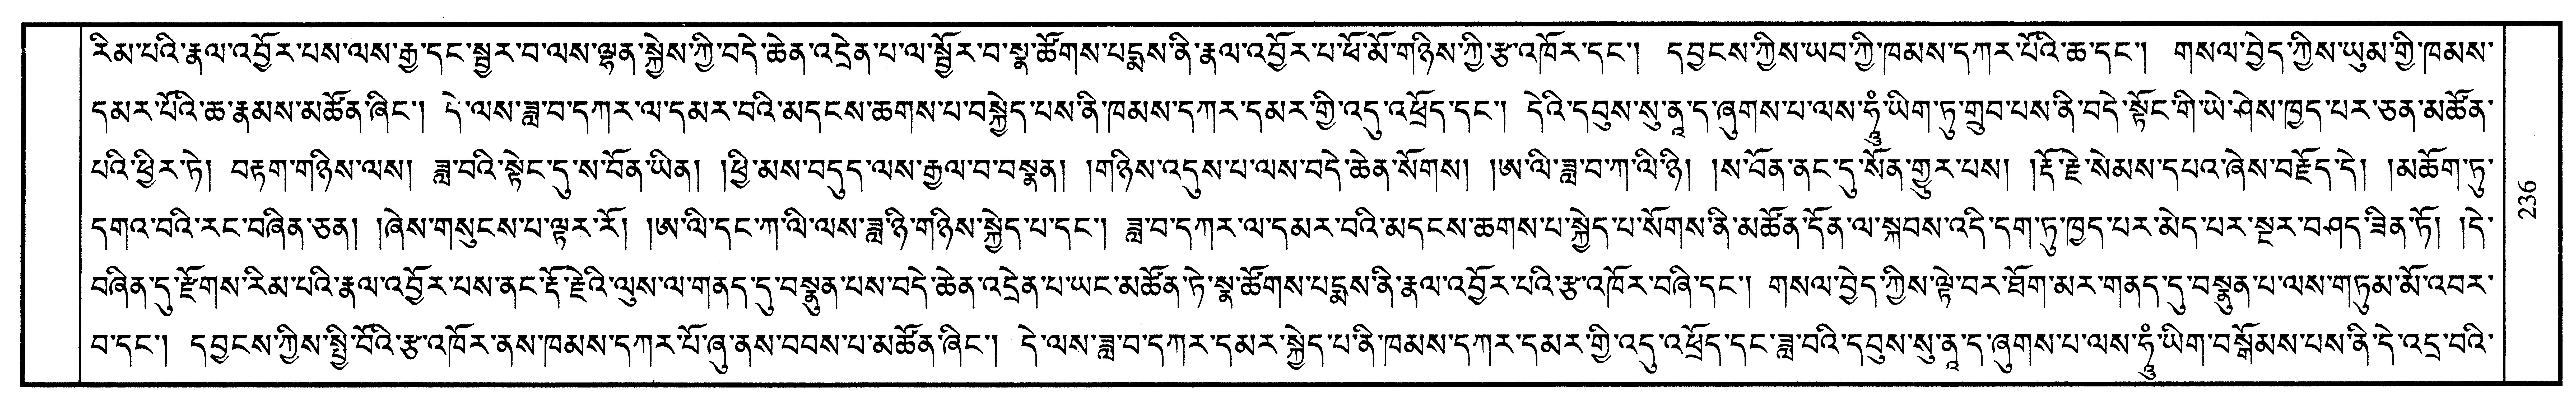རིམ་པའི་རྣལ་འབྱོར་པས་ལས་རྒྱ་དང་སྦྱར་བ་ལས་ལྷན་སྐྱེས་ཀྱི་བདེ་ཆེན་འདྲེན་པ་ལ་སྦྱོར་བ་སྣ་ཚོགས་པདམས་ནི་རྣལ་འབྱོར་པ་ཕོ་མོ་གཉིས་ཀྱི་རྩ་འཁོར་དང་། དབྱངས་ཀྱིས་ཡབ་ཀྱི་ཁམས་དཀར་པོའི་ཆ་དང་། གསལ་བྱེད་ཀྱིས་ཡུམ་གྱི་ཁམས་
དམར་པོའི་ཆ་རྣམས་མཚོན་ཞིང་། དེ་ལས་ཟླ་བ་དཀར་ལ་དམར་བའི་མདངས་ཆགས་པ་བསྐྱེད་པས་ནི་ཁམས་དཀར་དམར་གྱི་འདུ་འཕྲོད་དང་། དེའི་དབུས་སུ་ནཱ་ད་ཞུགས་པ་ལས་ཧཱུཾ་ཡིག་ཏུ་གྲུབ་པས་ནི་བདེ་སྟོང་གི་ཡེ་ཤེས་ཁྱད་པར་ཅན་མཚོན་
པའི་ཕྱིར་ཏེ། བརྟག་གཉིས་ལས། ཟླ་བའི་སྟེང་དུ་ས་བོན་ཡིན། །ཕྱི་མས་བདུད་ལས་རྒྱལ་བ་བསྣན། །གཉིས་འདུས་པ་ལས་བདེ་ཆེན་སོགས། །ཨ་ལི་ཟླ་བ་ཀ་ལི་ཉི། །ས་བོན་ནང་དུ་སོན་གྱུར་པས། །རྡོ་རྗེ་སེམས་དཔའ་ཞེས་བརྗོད་དེ། །མཆོག་ཏུ་
དགའ་བའི་རང་བཞིན་ཅན། །ཞེས་གསུངས་པ་ལྟར་རོ། །ཨ་ལི་དང་ཀ་ལི་ལས་ཟླ་ཉི་གཉིས་སྐྱེད་པ་དང་། ཟླ་བ་དཀར་ལ་དམར་བའི་མདངས་ཆགས་པ་སྐྱེད་པ་སོགས་ནི་མཚོན་དོན་ལ་སྐབས་འདི་དག་ཏུ་ཁྱད་པར་མེད་པར་སྔར་བཤད་ཟིན་ཏོ། །དེ་
བཞིན་དུ་རྫོགས་རིམ་པའི་རྣལ་འབྱོར་པས་ནང་རྡོ་རྗེའི་ལུས་ལ་གནད་དུ་བསྣུན་པས་བདེ་ཆེན་འདྲེན་པ་ཡང་མཚོན་ཏེ་སྣ་ཚོགས་པདམས་ནི་རྣལ་འབྱོར་པའི་རྩ་འཁོར་བཞི་དང་། གསལ་བྱེད་ཀྱིས་ལྟེ་བར་ཐོག་མར་གནད་དུ་བསྣུན་པ་ལས་གཏུམ་མོ་འབར་
བ་དང་། དབྱངས་ཀྱིས་སྤྱི་བོའི་རྩ་འཁོར་ནས་ཁམས་དཀར་པོ་ཞུ་ནས་བབས་པ་མཚོན་ཞིང་། དེ་ལས་ཟླ་བ་དཀར་དམར་སྐྱེད་པ་ནི་ཁམས་དཀར་དམར་གྱི་འདུ་འཕྲོད་དང་ཟླ་བའི་དབུས་སུ་ནཱ་ད་ཞུགས་པ་ལས་ཧཱུཾ་ཡིག་བསྒོམས་པས་ནི་དེ་འདྲ་བའི་